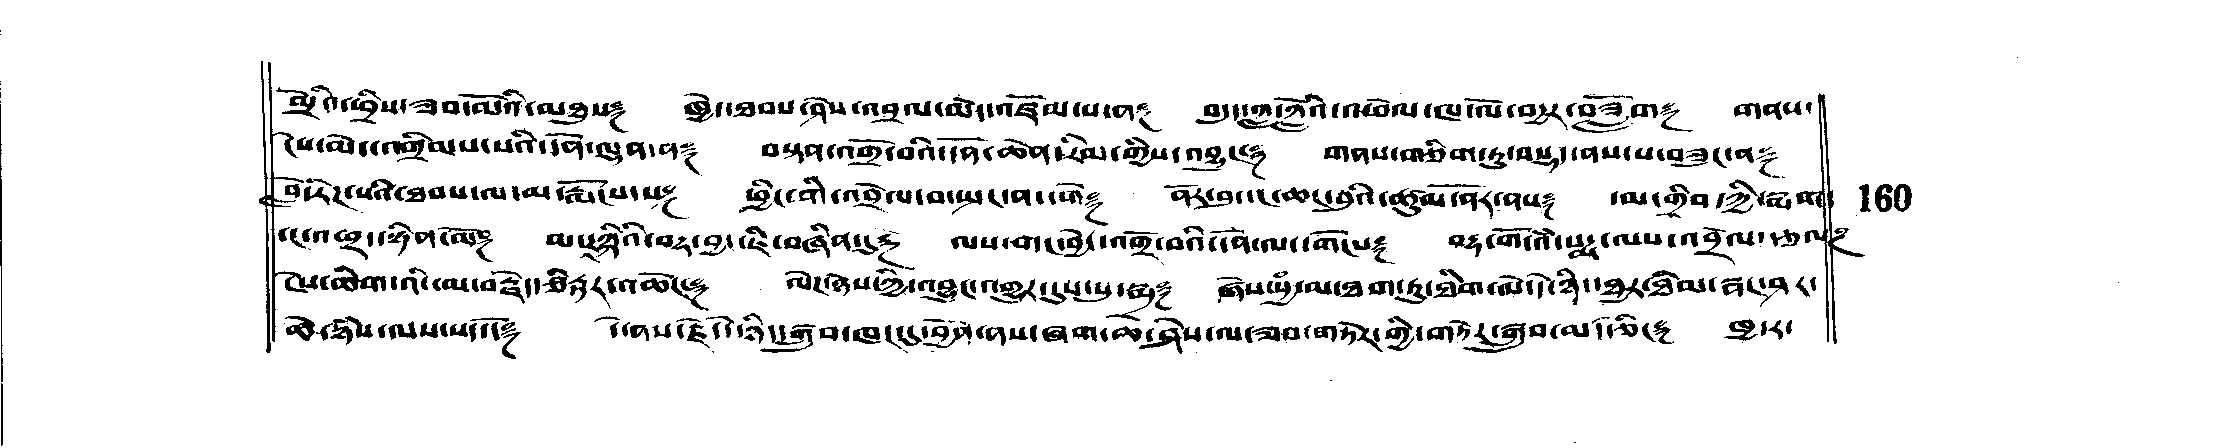མཁའ་འགྲོ་ཕྲིན་ལས་ཟབ་མོའི་མཐུས། ཁྱེད་ཐབས་ཤེས་འབྲལ་མེད་འཛོམ་པ་ན། །བདུད་ཀླ་ཀློའི་འཕེལ་ཁ་ལོ་བརྒྱར་བཟློག །གནས་
ངེས་མེད་འགྲིམས་པའི་དོན་ལྡན་ན། །བསྟན་འགྲོ་བའི་དོན་ཆེན་རིམ་གྱིས་འབྱུང་། །གནས་གཅིག་ཏུ་བསྡད་ནས་ས་བཟུང་ན། །
བློ་རིགས་པའི་ཐབས་ལ་མ་རྨོངས་པ། །ཕྱི་ནང་གི་འབྲེལ་བ་སྤང་ན་དགེ། །ནོར་བུ་དང་ཆང་༼མཆིང་?༽བུའི་ཚུལ་ནོར་ནས། །དམ་གྲིབ་ཀྱི་སྨག་
དང་འཕྲད་ཉིན་མོ། །མ་ཌཱཀྐིའི་བརྡ་བྱང་ཇི་བཞིན་དུ། །ལས་གང་བྱེད་འགྲོ་བའི་དོན་ལ་དགོངས། །བརྡ་གོ་འམ་པདྨ་ལས་འབྲེལ་རྩལ། །
ངའི་ཚིག་འདི་མ་བརྗེད་ཙིཏྟར་ཆོངས་། །ལེགས་ཉེས་ཀྱི་འབྱུང་འགྱུར་དུས་སུ་སྨྲ། །ཞེས་གསུང་མ་ཐག་ཏུ་ཐིག་ལེ་དེ་ཉིད་ཐུགས་ཀར་ཐིམ་སྣང་ཤར་
ཚེ་གཉིད་ལས་སད་དོ། དེ་ནས་རྗེ་དེ་ཉིད་སྒྲུབ་ཁང་དུ་བྱོན་ནས་ཞག་ཆ་ཤས་ལ་ཟབ་གཏེར་གྱི་གཏེར་སྒྲུབ་མཛད་ཅིང་། ཁྱད་པར་